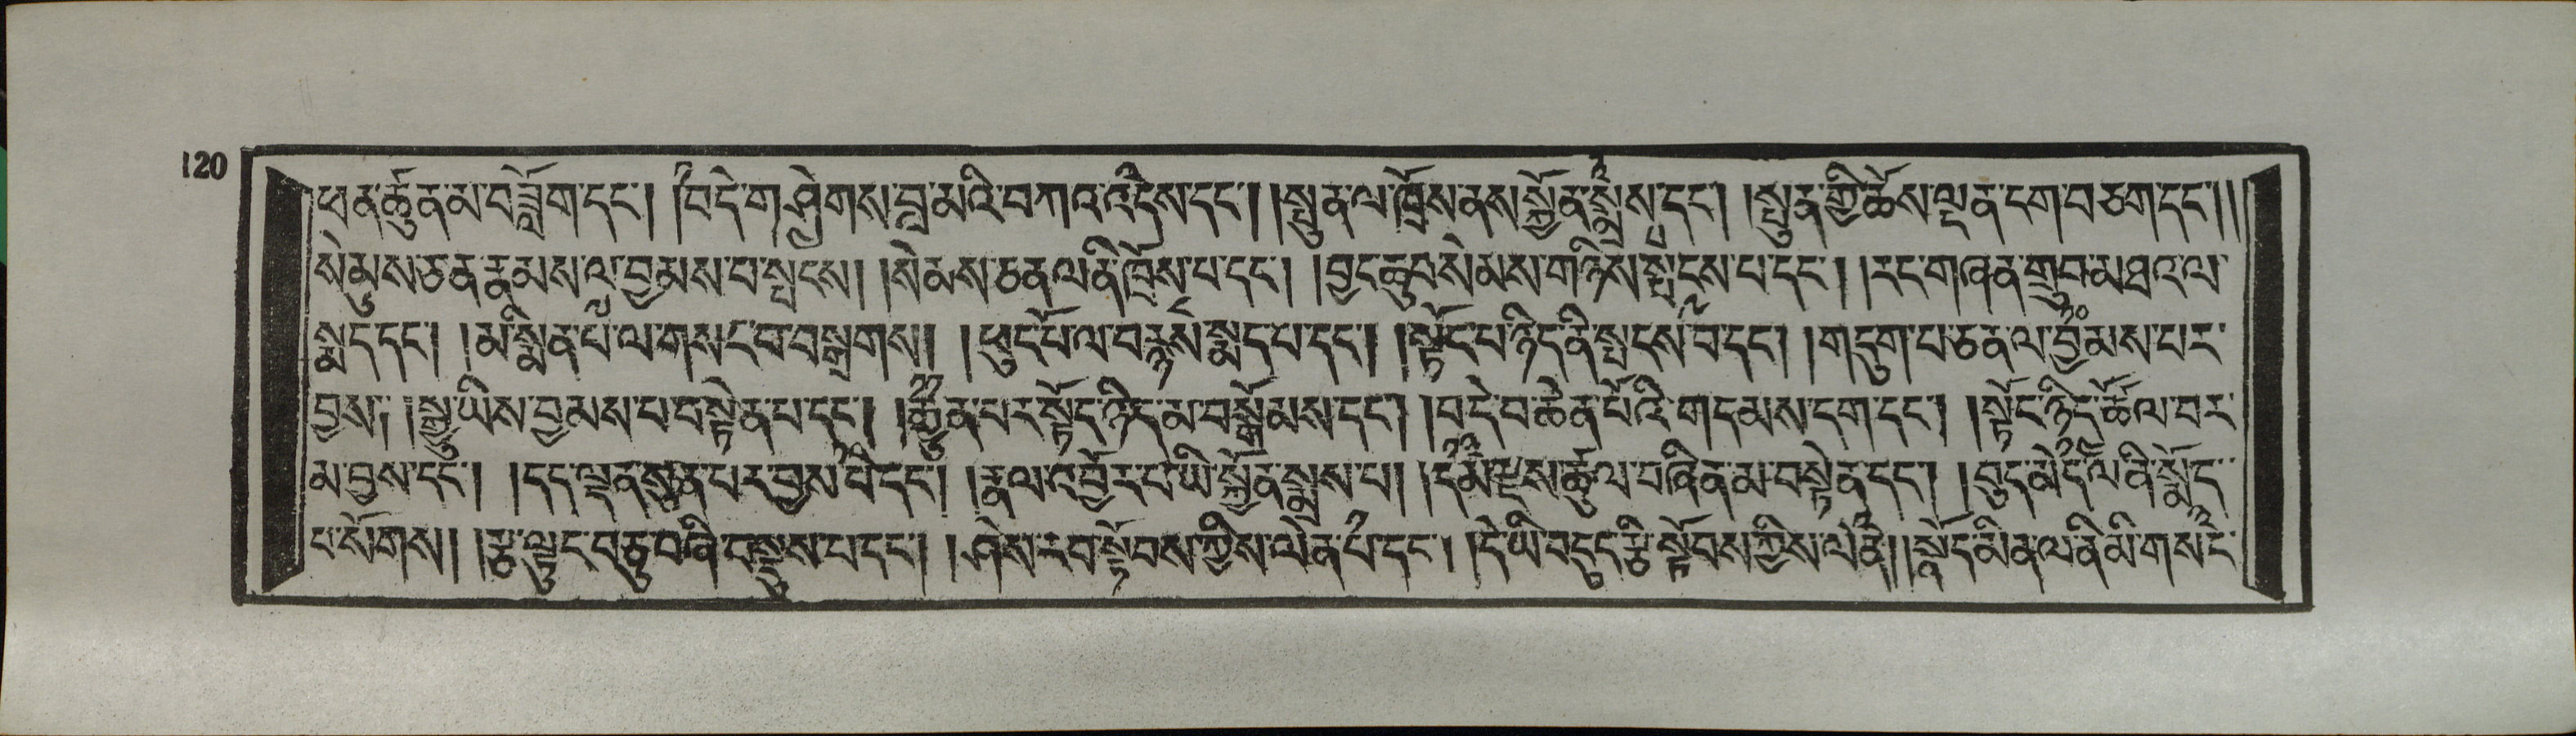ཕན་ཚུན་མ་བཟློག་དང་། །༡་བདེ་གཤེགས་བླ་མའི་བཀའ་འདས ༢་དང་། །སྤུན་ལ་ཁྲོས་ནས་སྐྱོན་སྨྲས་དང་། །སྤུན་གྱི་ཆོས་ལྡན་ངག་བཅག་དང།།
སེམས་ཅན་རྣམས་ལ་བྱམས་པ་སྤངས། །སེམས་ཅན་ལ་ནི་ཁྲོས་པ་དང་། །བྱང་ཆུབ་སེམས་གཉིས་སྤངས་པ་དང་། །རང་གཞན་གྲུབ་མཐའ་ལ་
སྨད་དང་། །མ་སྨིན་པ་ལ་གསང་བ་བསྒྲགས། །ཕུང་པོ་ལ་བརྙས་སྨད་པ་དང་། །སྟོང་པ་ཉིད་ནི་སྤངས་བ་དང་། །གདུག་པ་ཅན་ལ་བྱམས་པར་
བྱས༑ །སྒྱུ་ཡིས་བྱམས་པ་བསྟེན་པ་དང་། །རྒྱུན་པར་སྟོང་ཉིད་མ་བསྒོམས་དང་། །བདེ་བ་ཆེན་པོའི་གདམས་ངག་དང་། །སྟོང་ཉིད་ཚོལ་བར་
མ་བྱས་དང་། །དད་ལྡན་སུན་པར་བྱས་པ་དང་། །རྣལ་འབྱོར་པ་ཡི་སྐྱོན་སྨྲས་པ། །དམ་རྫས་ཚུལ་བཞིན་མ་བསྟེན་དང་། །བུད་མེད་ལ་ནི་སྨོད་
པ་སོགས། །རྩ་ལྟུང་བཅུ་བཞི་བསྡུས་པ་དག། །ཤེས་རབ་སྟོབས་ཀྱིས་ལེན་པ་དང་། །དེ་ཡི་བདུད་རྩི་སྟོབས་ཀྱིས་ལེན། །སྣོད་མིན་ལ་ནི་མི་གསན་